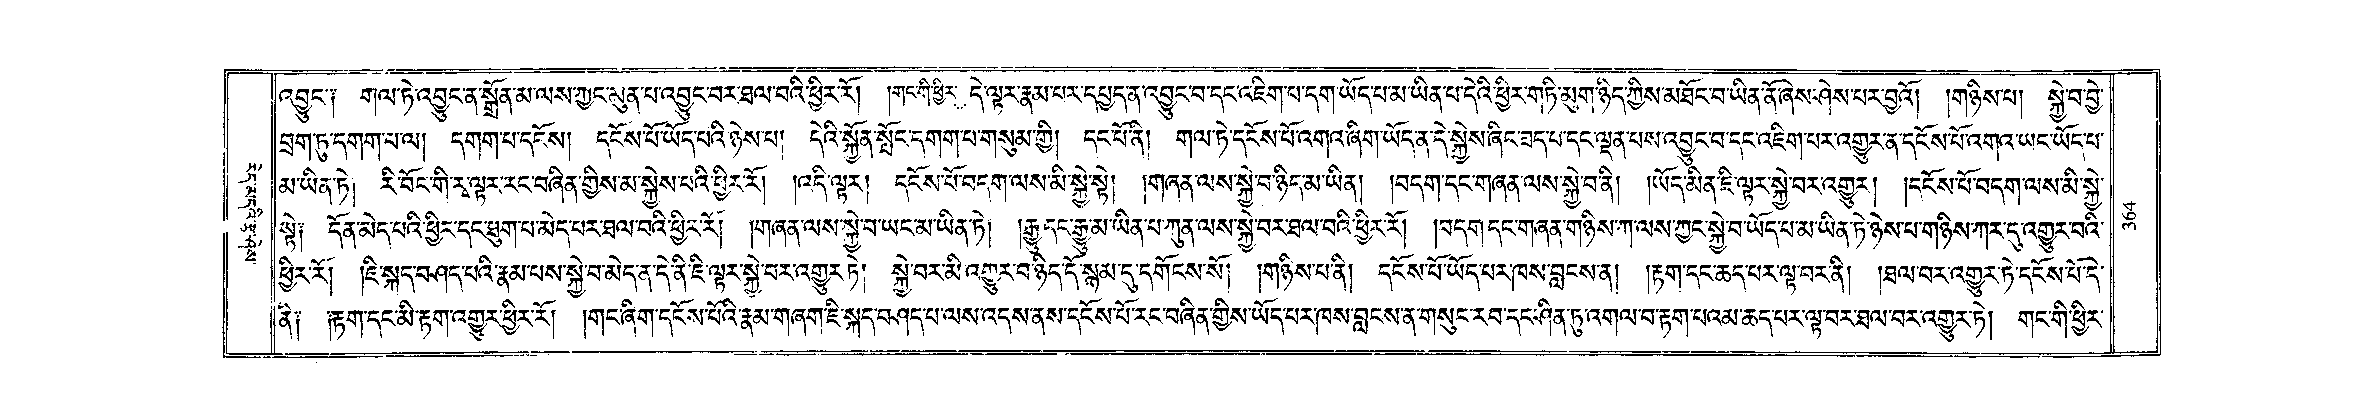འབྱུང༑ གལ་ཏེ་འབྱུང་ན་སྒྲོན་མ་ལས་ཀྱང་མུན་པ་འབྱུང་བར་ཐལ་བའི་ཕྱིར་རོ། །གང་གི་ཕྱིར་དེ་ལྟར་རྣམ་པར་དཔྱད་ན་འབྱུང་བ་དང་འཇིག་པ་དག་ཡོད་པ་མ་ཡིན་པ་དེའི་ཕྱིར་གཏི་མུག་ཉིད་ཀྱིས་མཐོང་བ་ཡིན་ནོ་ཞེས་ཤེས་པར་བྱའོ། །གཉིས་པ། སྐྱེ་བ་བྱེ་
བྲག་ཏུ་དགག་པ་ལ། དགག་པ་དངོས། དངོས་པོ་ཡོད་པའི་ཉེས་པ། དེའི་སྐྱོན་སྤོང་དགག་པ་གསུམ་གྱི། དང་པོ་ནི། གལ་ཏེ་དངོས་པོ་འགའ་ཞིག་ཡོད་ན་དེ་སྐྱེས་ཞིང་ཟད་པ་དང་ལྡན་པས་འབྱུང་བ་དང་འཇིག་པར་འགྱུར་ན་དངོས་པོ་འགའ་ཡང་ཡོད་པ་
མ་ཡིན་ཏེ། རི་བོང་གི་རྭ་ལྟར་རང་བཞིན་གྱིས་མ་སྐྱེས་པའི་ཕྱིར་རོ། །འདི་ལྟར། དངོས་པོ་བདག་ལས་མི་སྐྱེ་སྟེ། །གཞན་ལས་སྐྱེ་བ་ཉིད་མ་ཡིན། །བདག་དང་གཞན་ལས་སྐྱེ་བ་ནི། །ཡོད་མིན་ཇི་ལྟར་སྐྱེ་བར་འགྱུར། །དངོས་པོ་བདག་ལས་མི་སྐྱེ་
སྟེ༑ དོན་མེད་པའི་ཕྱིར་དང་ཐུག་པ་མེད་པར་ཐལ་བའི་ཕྱིར་རོ། །གཞན་ལས་སྐྱེ་བ་ཡང་མ་ཡིན་ཏེ། །རྒྱུ་དང་རྒྱུ་མ་ཡིན་པ་ཀུན་ལས་སྐྱེ་བར་ཐལ་བའི་ཕྱིར་རོ། །བདག་དང་གཞན་གཉིས་ཀ་ལས་ཀྱང་སྐྱེ་བ་ཡོད་པ་མ་ཡིན་ཏེ་ཉེས་པ་གཉིས་ཀར་དུ་འགྱུར་བའི་
ཕྱིར་རོ། །ཇི་སྐད་བཤད་པའི་རྣམ་པས་སྐྱེ་བ་མེད་ན་དེ་ནི་ཇི་ལྟར་སྐྱེ་བར་འགྱུར་ཏེ། སྐྱེ་བར་མི་འགྱུར་བ་ཉིད་དོ་སྙམ་དུ་དགོངས་སོ། །གཉིས་པ་ནི། དངོས་པོ་ཡོད་པར་ཁས་བླངས་ན། །རྟག་དང་ཆད་པར་ལྟ་བར་ནི། །ཐལ་བར་འགྱུར་ཏེ་དངོས་པོ་དེ་
ནི༑ ༑རྟག་དང་མི་རྟག་འགྱུར་ཕྱིར་རོ། །གང་ཞིག་དངོས་པོའི་རྣམ་གཞག་ཇི་སྐད་བཤད་པ་ལས་འདས་ནས་དངོས་པོ་རང་བཞིན་གྱིས་ཡོད་པར་ཁས་བླངས་ན་གསུང་རབ་དང་ཤིན་ཏུ་འགལ་བ་རྟག་པའམ་ཆད་པར་ལྟ་བར་ཐལ་བར་འགྱུར་ཏེ། གང་གི་ཕྱིར་